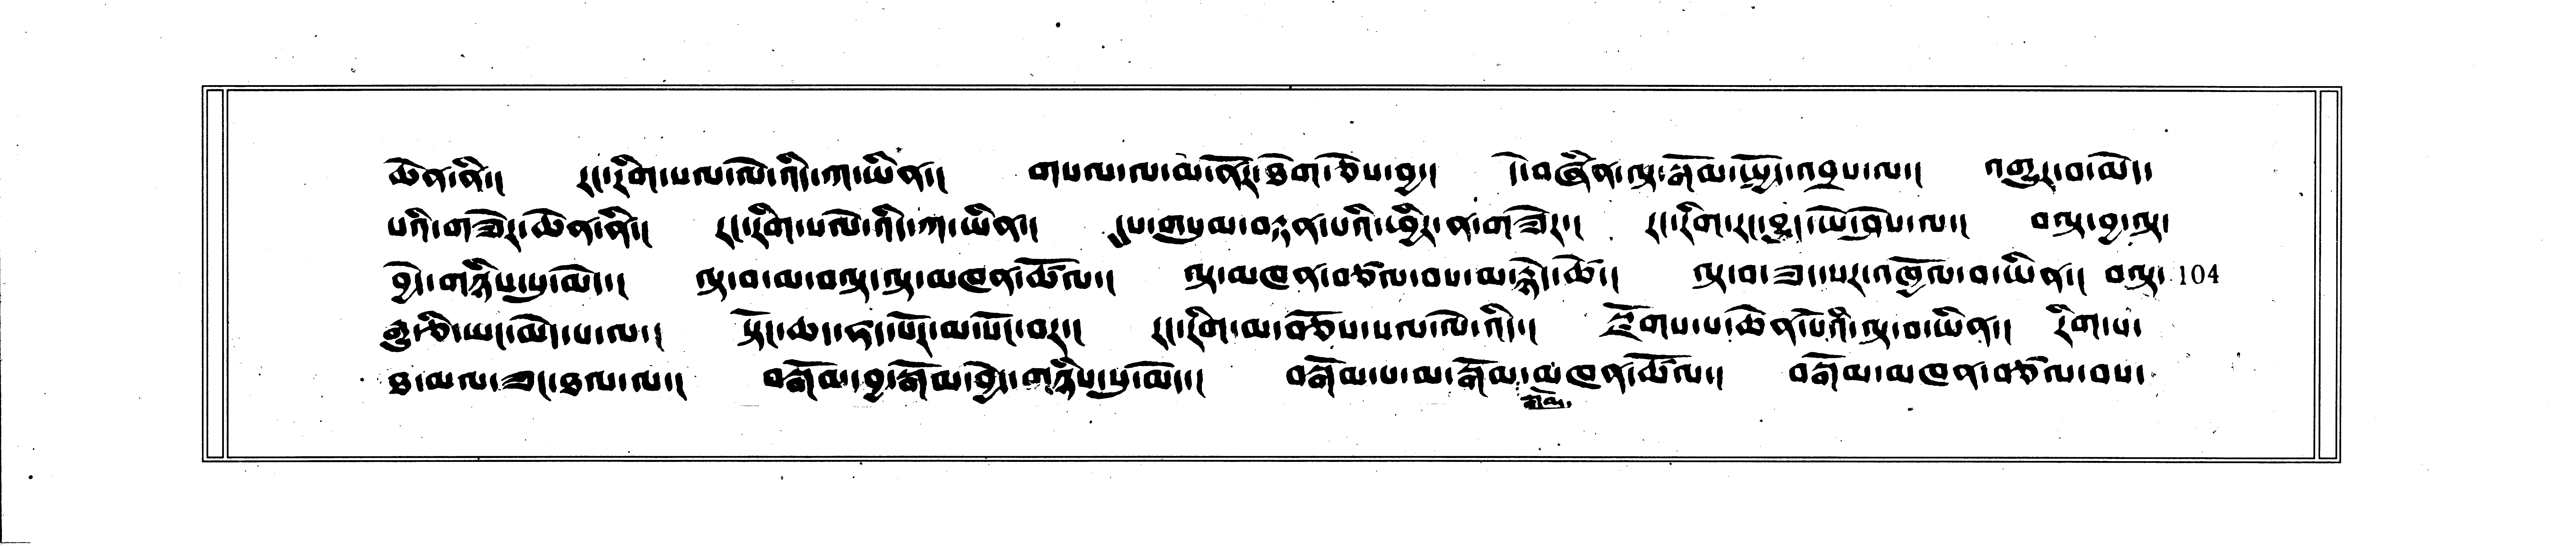ཆེན་ནི། །རང་རིག་སལ་ལེ་འདི་ཀ་ཡིན། །གསལ་ལ་མ་ནོར་ཐིག་ཅེས་བྱ། །དེ་བཞིན་ལྟ་སྒོམ་སྤྱོད་འབྲས་ལ། །འགྱུར་བ་མེད་
པའི་གཟེར་ཆེན་ནི། །རང་རིག་སལེ་འདི་ཀ་ཡིན། །དུས་གསུམ་བརྟན་པའི་ཕྱིར་ན་གཟེར། །རང་རིག་རང་བྱུང་ཡེ་ཤེས་ལ། །བལྟ་བྱ་ལྟ་
བྱེད་གཉིས་སུ་མེད། །ལྟ་བ་མ་ལྟ་ལྟ་མཁན་ཚོལ། །ལྟ་མཁན་བཙལ་བས་མ་རྙེད་ཚེ། །ལྟ་བ་ཟད་སར་འཁྱོལ་བ་ཡིན། །བལྟ་
རྒྱུ་ཅི་ཡང་མེད་པ་ལ། །སྟོང་ཆད་ཧད་པོར་མ་སོང་བར། །རང་རིག་མ་བཅོས་སལ་ལེ་འདི། །རྫོགས་པ་ཆེན་པོའི་ལྟ་བ་ཡིན། །རིག་པ་
ཐ་མལ་ཟང་ཐལ་ལ། །བསྒོམ་བྱ་སྒོམ་བྱེད་གཉིས་སུ་མེད། །བསྒོམ་པ་མ་བསྒོམས་སྒོམ་མཁན་ཚོལ། །སྒོམ་མཁན་བཙལ་བས་